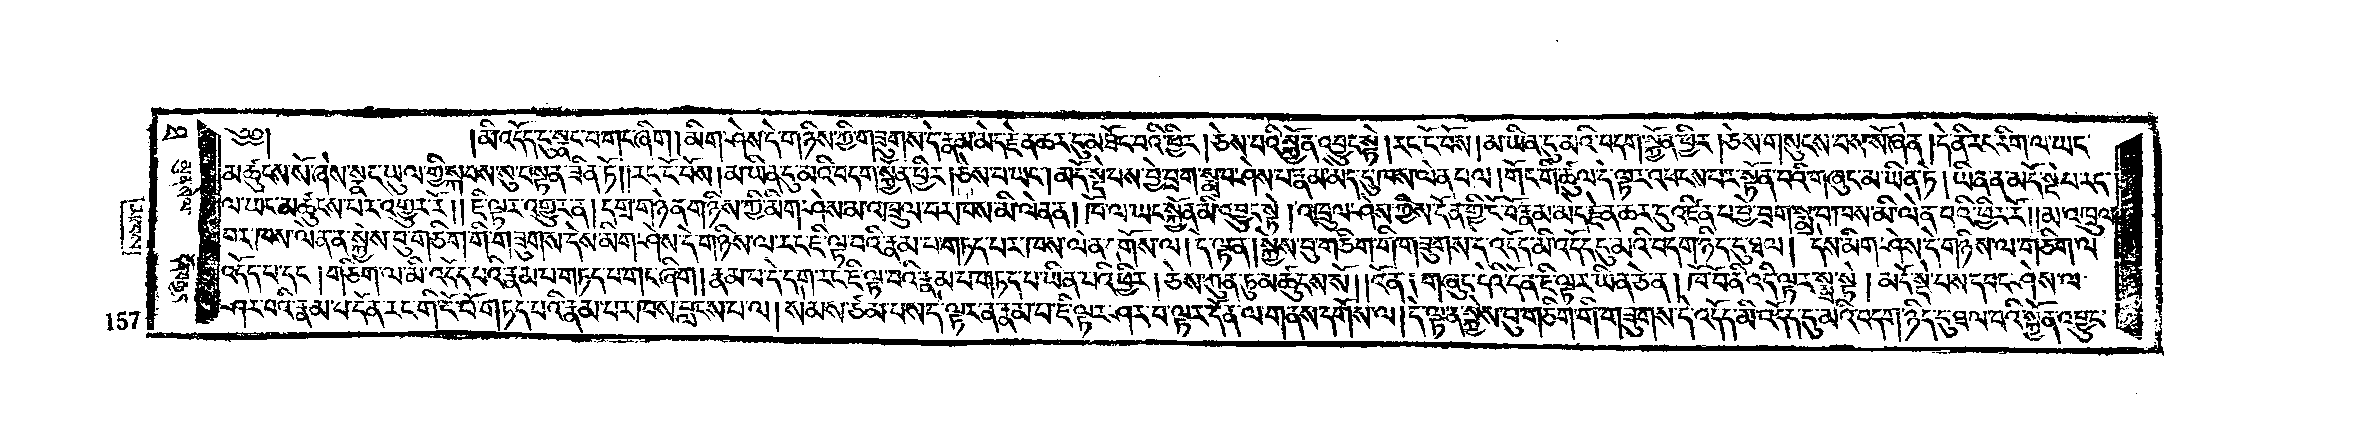༄༅། །མི་འདོད་དུ་སྣང་བ་གང་ཞིག །མིག་ཤེས་དེ་གཉིས་ཀྱི་གཟུགས་དེ་རྣམ་མེད་རྗེན་ཆར་དུ་མཐོང་བའི་ཕྱིར། ཅེས་པའི་སྐྱོན་འབྱུང་སྟེ། རང་ངོ་བོས། མ་ཡིན་དུ་མའི་བདག་སྐྱོན་ཕྱིར། ཅེས་གསུངས་པས་སོ་ཞེ་ན། དེ་ནི་རང་རིག་ལ་ཡང་
མཚུངས་སོ་ཞེས་སྣང་ཡུལ་གྱི་སྐབས་སུ་བསྟན་ཟིན་ཏོ། །རང་ངོ་བོས། མ་ཡིན་དུ་མའི་བདག་སྐྱོན་ཕྱིར། ཅེས་པ་ཡང་། མདོ་སྡེ་པས་བྱེ་བྲག་སྨྲ་བ་ཤེས་པ་རྣམ་མེད་དུ་ཁས་ལེན་པ་ལ། གོང་གི་ཚུལ་དེ་ལྟར་འཕངས་པར་སྟོན་པའི་གཞུང་མ་ཡིན་ཏེ། ཡིན་ན་མདོ་སྡེ་པ་རང་
ལ་ཡང་མཚུངས་པར་འགྱུར་རོ། །ཇི་ལྟར་འགྱུར་ན། དགྲ་གཉེན་གཉིས་ཀྱི་མིག་ཤེས་མ་འཁྲུལ་བར་ཁས་མི་ལེན་ན། ཁོ་ལ་ཡང་སྐྱོན་མི་འབྱུང་སྟེ། འཁྲུལ་ཤེས་ཀྱིས་དོན་གྱི་ངོ་བོ་རྣམ་མེད་རྗེན་ཆར་དུ་འཛིན་པ་བྱེ་བྲག་སྨྲ་བ་ཁས་ལེན་པའི་ཕྱིར་རོ། །མ་འཁྲུལ་
བར་ཁས་ལེན་ན་སྐྱེས་བུ་གཅིག་གི་གཟུགས་དེས་མིག་ཤེས་དེ་གཉིས་ལ་རང་ཇི་ལྟ་བའི་རྣམ་པ་གཏད་པར་ཁས་ལེན་དགོས་ལ། དེ་ལྟ་ན། སྐྱེས་བུ་གཅིག་གི་གཟུགས་དེ་འདོད་མི་འདོད་དུ་མའི་བདག་ཉིད་དུ་ཐལ། དེས་མིག་ཤེས་དེ་གཉིས་ལ་གཅིག་ལ་
འདོད་པ་དང་། གཅིག་ལ་མི་འདོད་པའི་རྣམ་པ་གཏད་པ་གང་ཞིག །རྣམ་པ་དེ་དག་རང་ཇི་ལྟ་བའི་རྣམ་པ་གཏད་པ་ཡིན་པའི་ཕྱིར། ཅེས་ཀུན་ཏུ་མཚུངས་སོ། །འོ་ན། གཞུང་དེའི་དོན་ཇི་ལྟར་ཡིན་ཅེ་ན། ཁོ་བོ་ནི་འདི་ལྟར་སྨྲ་སྟེ། མདོ་སྡེ་པས་དབང་ཤེས་ལ་
ཤར་བའི་རྣམ་པ་དོན་རང་གི་ངོ་བོ་གཏད་པའི་རྣམ་པར་ཁས་བླངས་པ་ལ། སེམས་ཙམ་པས་དེ་ལྟར་ན་རྣམ་པ་ཇི་ལྟར་ཤར་བ་ལྟར་དོན་ལ་གནས་དགོས་ལ། དེ་ལྟ་ན་སྐྱེས་བུ་གཅིག་གི་གཟུགས་དེ་འདོད་མི་འདོད་དུ་མའི་བདག་ཉིད་དུ་ཐལ་བའི་སྐྱོན་འབྱུང་